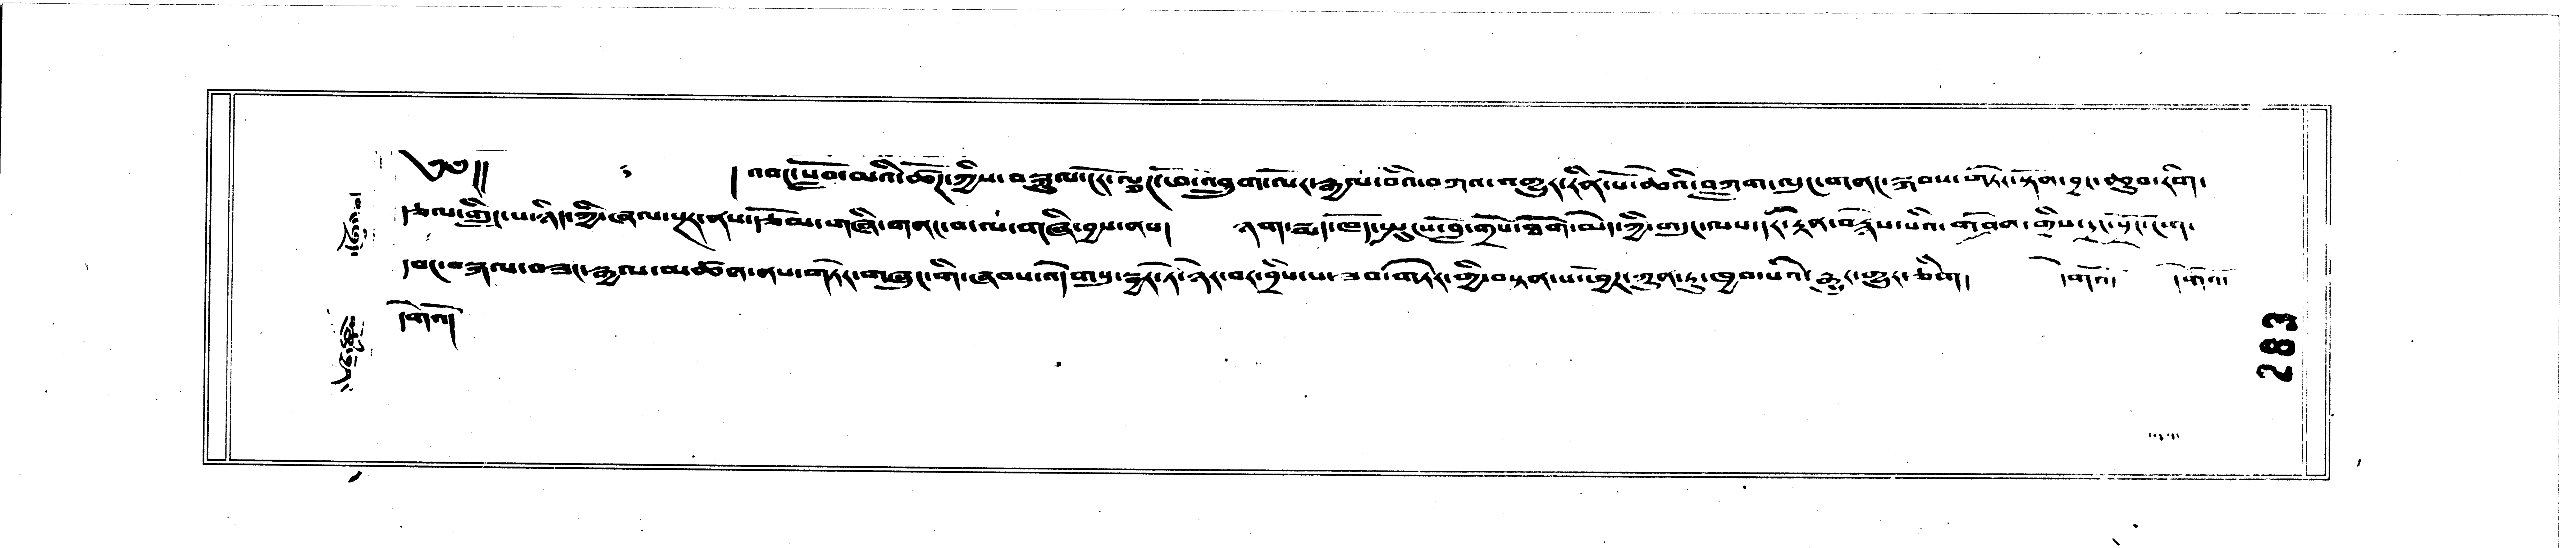འབངས་སློབ་མའི་ཚོགས་ཀྱིས་བསྐུལ་ངོར་ལྕགས་ཕོ་འབྲུག་ལོར་རྒྱལ་བའི་བཀའ་འགྱུར་རིན་པོ་ཆེའི་བཀླག་ལུང་གནང་སྐབས་གཏེར་སྟོན་བྱང་ཆུབ་རིག་
རྩལ་གླིང་པ་ཉིད་ཀྱི་ཞལ་སྔར་ནས་རྩོམ་གཞི་གནང་བ་ལ་གཞི་བྱས་ནས། ཉག་སྨད་ཁོད་སྤུངས་བློ་གྲོས་ཐོགས་མེད་ཀྱི་གདུང་ལས་དལ་རྟེན་རྙེད་པའི་གཤེན་གྱི་དྲང་སྲོང་ངག་
དབང་བསྐལ་བཟང་རྒྱལ་མཚན་ནས་གཏེར་གཞུང་གི་ཞབས་འདེགས་སུ་སྦྱར་ཏེ་ཉེ་བར་བྲིས་པ་ཟབ་གཏེར་གྱི་བསྟན་པ་ཕྱོགས་ཀུན་ཏུ་ཁྱབ་པའི་རྒྱུར་གྱུར་ཅིག། །།དགེའོ། དགེའོ། 
དགེའོ། །